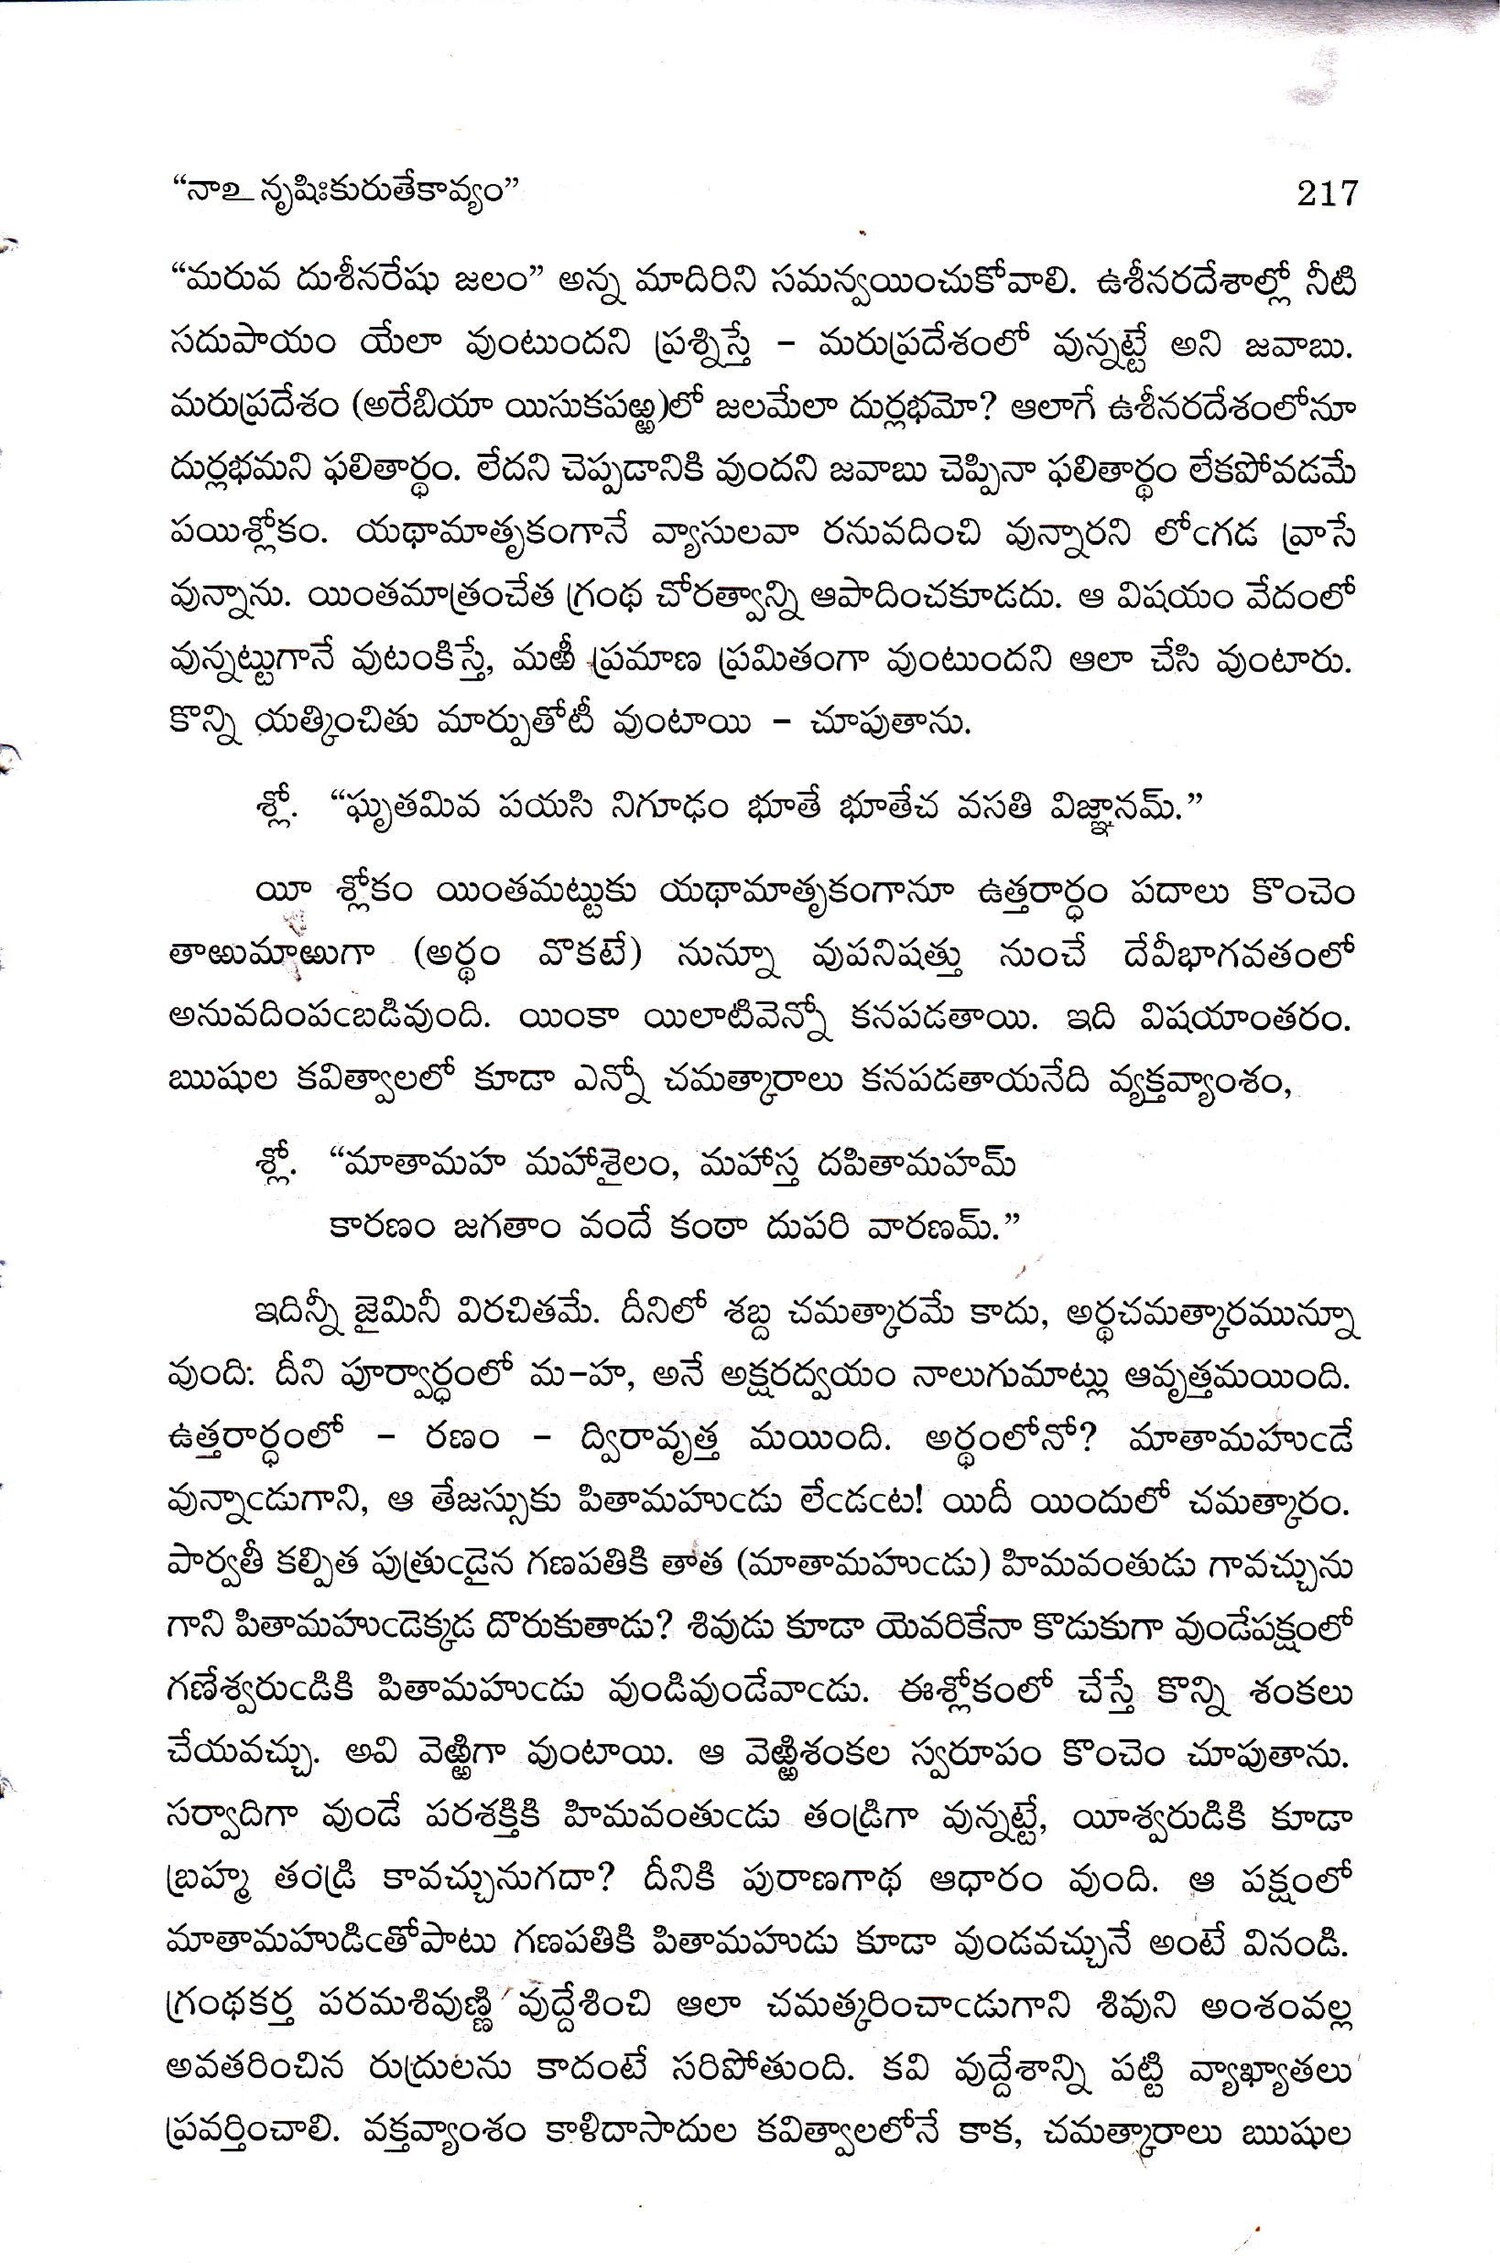“మరువ దుశీనరేషు జలం" అన్న మాదిరిని సమన్వయించుకోవాలి. ఉశీనరదేశాల్లో నీటి సదుపాయం యేలా వుంటుందని ప్రశ్నిస్తే - మరుప్రదేశంలో వున్నట్టే అని జవాబు. మరుప్రదేశం (అరేబియా యిసుకపఱ్ఱ)లో జలమేలా దుర్లభమో? ఆలాగే ఉశీనరదేశంలోనూ దుర్లభమని ఫలితార్థం. లేదని చెప్పడానికి వుందని జవాబు చెప్పినా ఫలితార్థం లేకపోవడమే పయిశ్లోకం. యథామాతృకంగానే వ్యాసులవా రనువదించి వున్నారని లోఁగడ వ్రాసే వున్నాను. యింతమాత్రంచేత గ్రంథ చోరత్వాన్ని ఆపాదించకూడదు. ఆ విషయం వేదంలో వున్నట్టుగానే వుటంకిస్తే, మఱీ ప్రమాణ ప్రమితంగా వుంటుందని ఆలా చేసి వుంటారు. కొన్ని యత్కించితు మార్పుతోటీ వుంటాయి - చూపుతాను.

శ్లో. “ఘృతమివ పయసి నిగూఢం భూతే భూతేచ వసతి విజ్ఞానమ్."
యీ శ్లోకం యింతమట్టుకు యథామాతృకంగానూ ఉత్తరార్ధం పదాలు కొంచెం తాఱుమాఱుగా (అర్థం వొకటే) నున్నూ వుపనిషత్తు నుంచే దేవీభాగవతంలో అనువదింపఁబడివుంది. యింకా యిలాటివెన్నో కనపడతాయి. ఇది విషయాంతరం. ఋషుల కవిత్వాలలో కూడా ఎన్నో చమత్కారాలు కనపడతాయనేది వ్యక్తవ్యాంశం,

శ్లో. “మాతామహ మహాశైలం, మహాస్త దపితామహమ్
 కారణం జగతాం వందే కంఠా దుపరి వారణమ్."
ఇదిన్నీ జైమినీ విరచితమే. దీనిలో శబ్ద చమత్కారమే కాదు, అర్థచమత్కారమున్నూ వుంది. దీని పూర్వార్ధంలో మ-హ, అనే అక్షరద్వయం నాలుగుమాట్లు ఆవృత్తమయింది. ఉత్తరార్ధంలో - రణం - ద్విరావృత్త మయింది. అర్థంలోనో? మాతామహుఁడే వున్నాఁడుగాని, ఆ తేజస్సుకు పితామహుఁడు లేఁడఁట! యిదీ యిందులో చమత్కారం. పార్వతీ కల్పిత పుత్రుఁడైన గణపతికి తాత (మాతామహుఁడు) హిమవంతుడు గావచ్చును గాని పితామహుఁడెక్కడ దొరుకుతాడు? శివుడు కూడా యెవరికేనా కొడుకుగా వుండేపక్షంలో గణేశ్వరుఁడికి పితామహుఁడు వుండివుండేవాఁడు. ఈశ్లోకంలో చేస్తే కొన్ని శంకలు చేయవచ్చు. అవి వెఱ్ఱిగా వుంటాయి. ఆ వెఱ్ఱిశంకల స్వరూపం కొంచెం చూపుతాను. సర్వాదిగా వుండే పరశక్తికి హిమవంతుఁడు తండ్రిగా వున్నట్టే, యీశ్వరుడికి కూడా బ్రహ్మ తండ్రి కావచ్చునుగదా? దీనికి పురాణగాథ ఆధారం వుంది. ఆ పక్షంలో మాతామహుడిఁతోపాటు గణపతికి పితామహుడు కూడా వుండవచ్చునే అంటే వినండి. గ్రంథకర్త పరమశివుణ్ణి వుద్దేశించి ఆలా చమత్కరించాcడుగాని శివుని అంశంవల్ల అవతరించిన రుద్రులను కాదంటే సరిపోతుంది. కవి వుద్దేశాన్ని పట్టి వ్యాఖ్యాతలు ప్రవర్తించాలి. వక్తవ్యాంశం కాళిదాసాదుల కవిత్వాలలోనే కాక, చమత్కారాలు ఋషుల